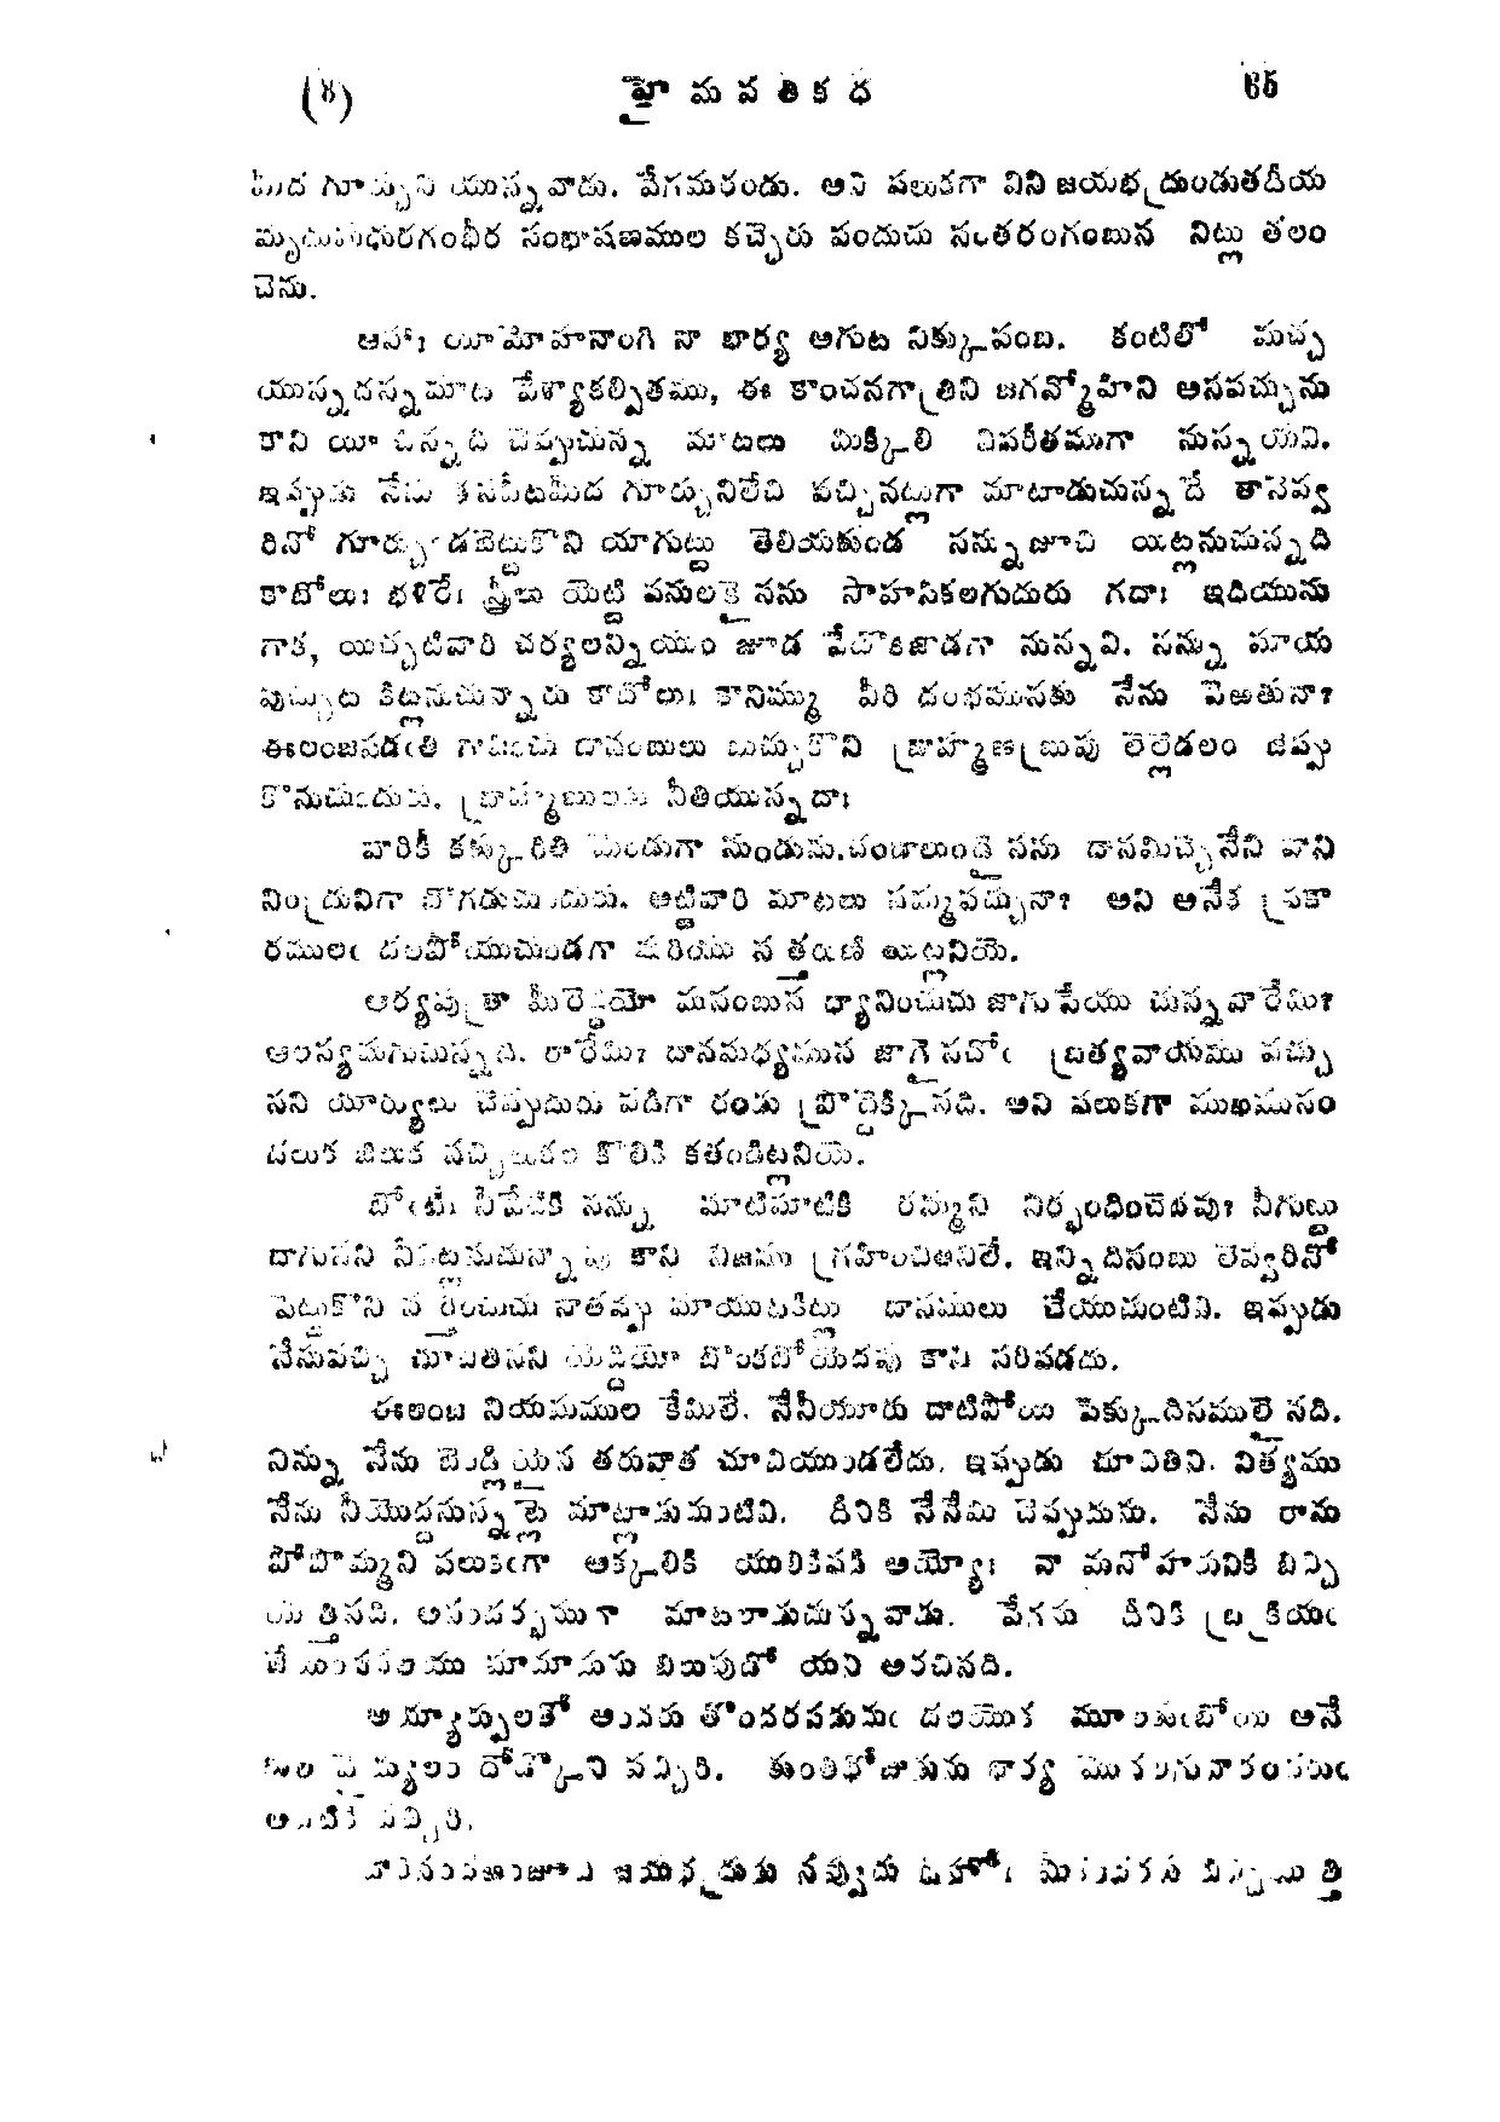మీద గూర్చునియున్నవాడు. వేగమరండు. అని పలుకగా విని జయభద్రుండు తదీయమృదుమధురగంభీరసంభాషణముల కచ్చెరు వందుచు నంతరంగంబున నిట్లు తలంచెను.

ఆహా? యీమోహనాంగి నా భార్య అగుట నిక్కువంబ. కంటిలో మచ్చయున్నదన్నమాట వేశ్యాకల్పితము, ఈ కాంచనగాత్రిని జగన్మోహిని అనవచ్చును కాని యీ చిన్నది చెప్పుచున్న మాటలు మిక్కిలి విపరీతముగా నున్నయవి. ఇప్పుడు నేను తనపీటమీద గూర్చుని లేచి వచ్చినట్లుగా మాటాడుచున్నదే తానెవ్వరినో గూర్చుండబెట్టుకొని యాగుట్టు తెలియకుండ నన్ను జూచి యిట్లనుచున్నది కాబోలు! భళిరే! స్త్రీలు యెట్టి పనులకైనను సాహసికలగుదురు గదా? ఇదియును గాక, యిచ్చటివారి చర్యలన్నియుం జూడ వేఱొకజాడగా నున్నవి. నన్ను మాయ పుచ్చుట కిట్లనుచున్నారు కాబోలు! కానిమ్ము వీరి దంభమునకు నేను వెఱతునా? ఈలంజపడఁతి గావించు దానంబులు బుచ్చుకొని బ్రాహ్మణబ్రువు లెల్లెడలం జెప్పుకొనుచుందురు. బ్రాహ్మణులకు నీతియున్నదా?

వారి కీకక్కురితి మెండుగా నుండును. చండాలుండైనను దానమిచ్చెనేని వాని నింద్రునిగా బొగడుచుందురు. అట్టివారి మాటలు నమ్మవచ్చునా? అని అనేక ప్రకారములఁ దలపోయుచుండగా మరియు నత్తరుణి యిట్లనియె.

ఆర్యపుత్రా మీరెద్దియో మనంబున ధ్యానించుచు జాగుసేయుచున్నవారేమి? ఆలస్యమగుచున్నది.
రారేమి? దానమధ్యమున జాగైనచోఁ బ్రత్యవాయము వచ్చునని యార్యులు చెప్పుదురు వడిగా రండు ప్రొద్దెక్కినది. అని పలుకగా ముఖమునం దలుక జిలుక నచ్చిలుకలకొలికి కతం డి ట్లనియె.

బోఁటీఁ నీవేటికి నన్ను మాటిమాటికి రమ్మని నిర్బంధించెదవు? నీగుట్టు దాగునని నీవిట్లనుచున్నావు కాని నిజము గ్రహించితినిలే. ఇన్ని దినంబు లెవ్వరినో పెట్టుకొని వర్తించుచు నాతప్పు మాయుటకిట్లు దానములు చేయుచుంటివి. ఇప్పుడు నేనువచ్చి చూచితినని యెద్దియో బొంకబోయెదవు కాని సరిపడదు.

ఈలంజ నియమముల కేమిలే. నేనీయూరు దాటిపోయి పెక్కుదినములై నది. నిన్ను నేను బెండ్లియైన తరువాత చూచియుండలేదు. ఇప్పుడు చూచితిని. నిత్యము నేను నీయొద్దనున్నట్లె మాట్లాడుచుంటివి. దీనికి నేనేమి చెప్పుదును. నేను రాను పోపొమ్మని పలుకఁగా అక్కలికి యులికిపడి అయ్యో! నా మనోహరునికి బిచ్చి యెత్తినది. అసందర్భముగా మాటలాడుచున్న వాడు. వేగమ దీనికి బ్రక్రియఁ జేయింపవలయు మామామను బిలువుడో యని అరచినది.

అయ్యార్పులతో అందరు తొందరపడుచుఁ దలయొకమూలకుఁ బోయి అనేకుల వైద్యులం దోడ్కొని వచ్చిరి. కుంతిభోజుడును భార్య మొదలగువారందరుఁ అచ్చటికి వచ్చిరి.

వారినందఱంజూచి జయభద్రుడు నవ్వుచు ఓహో! మీ రెల్లరకు పిచ్చి యెత్తి